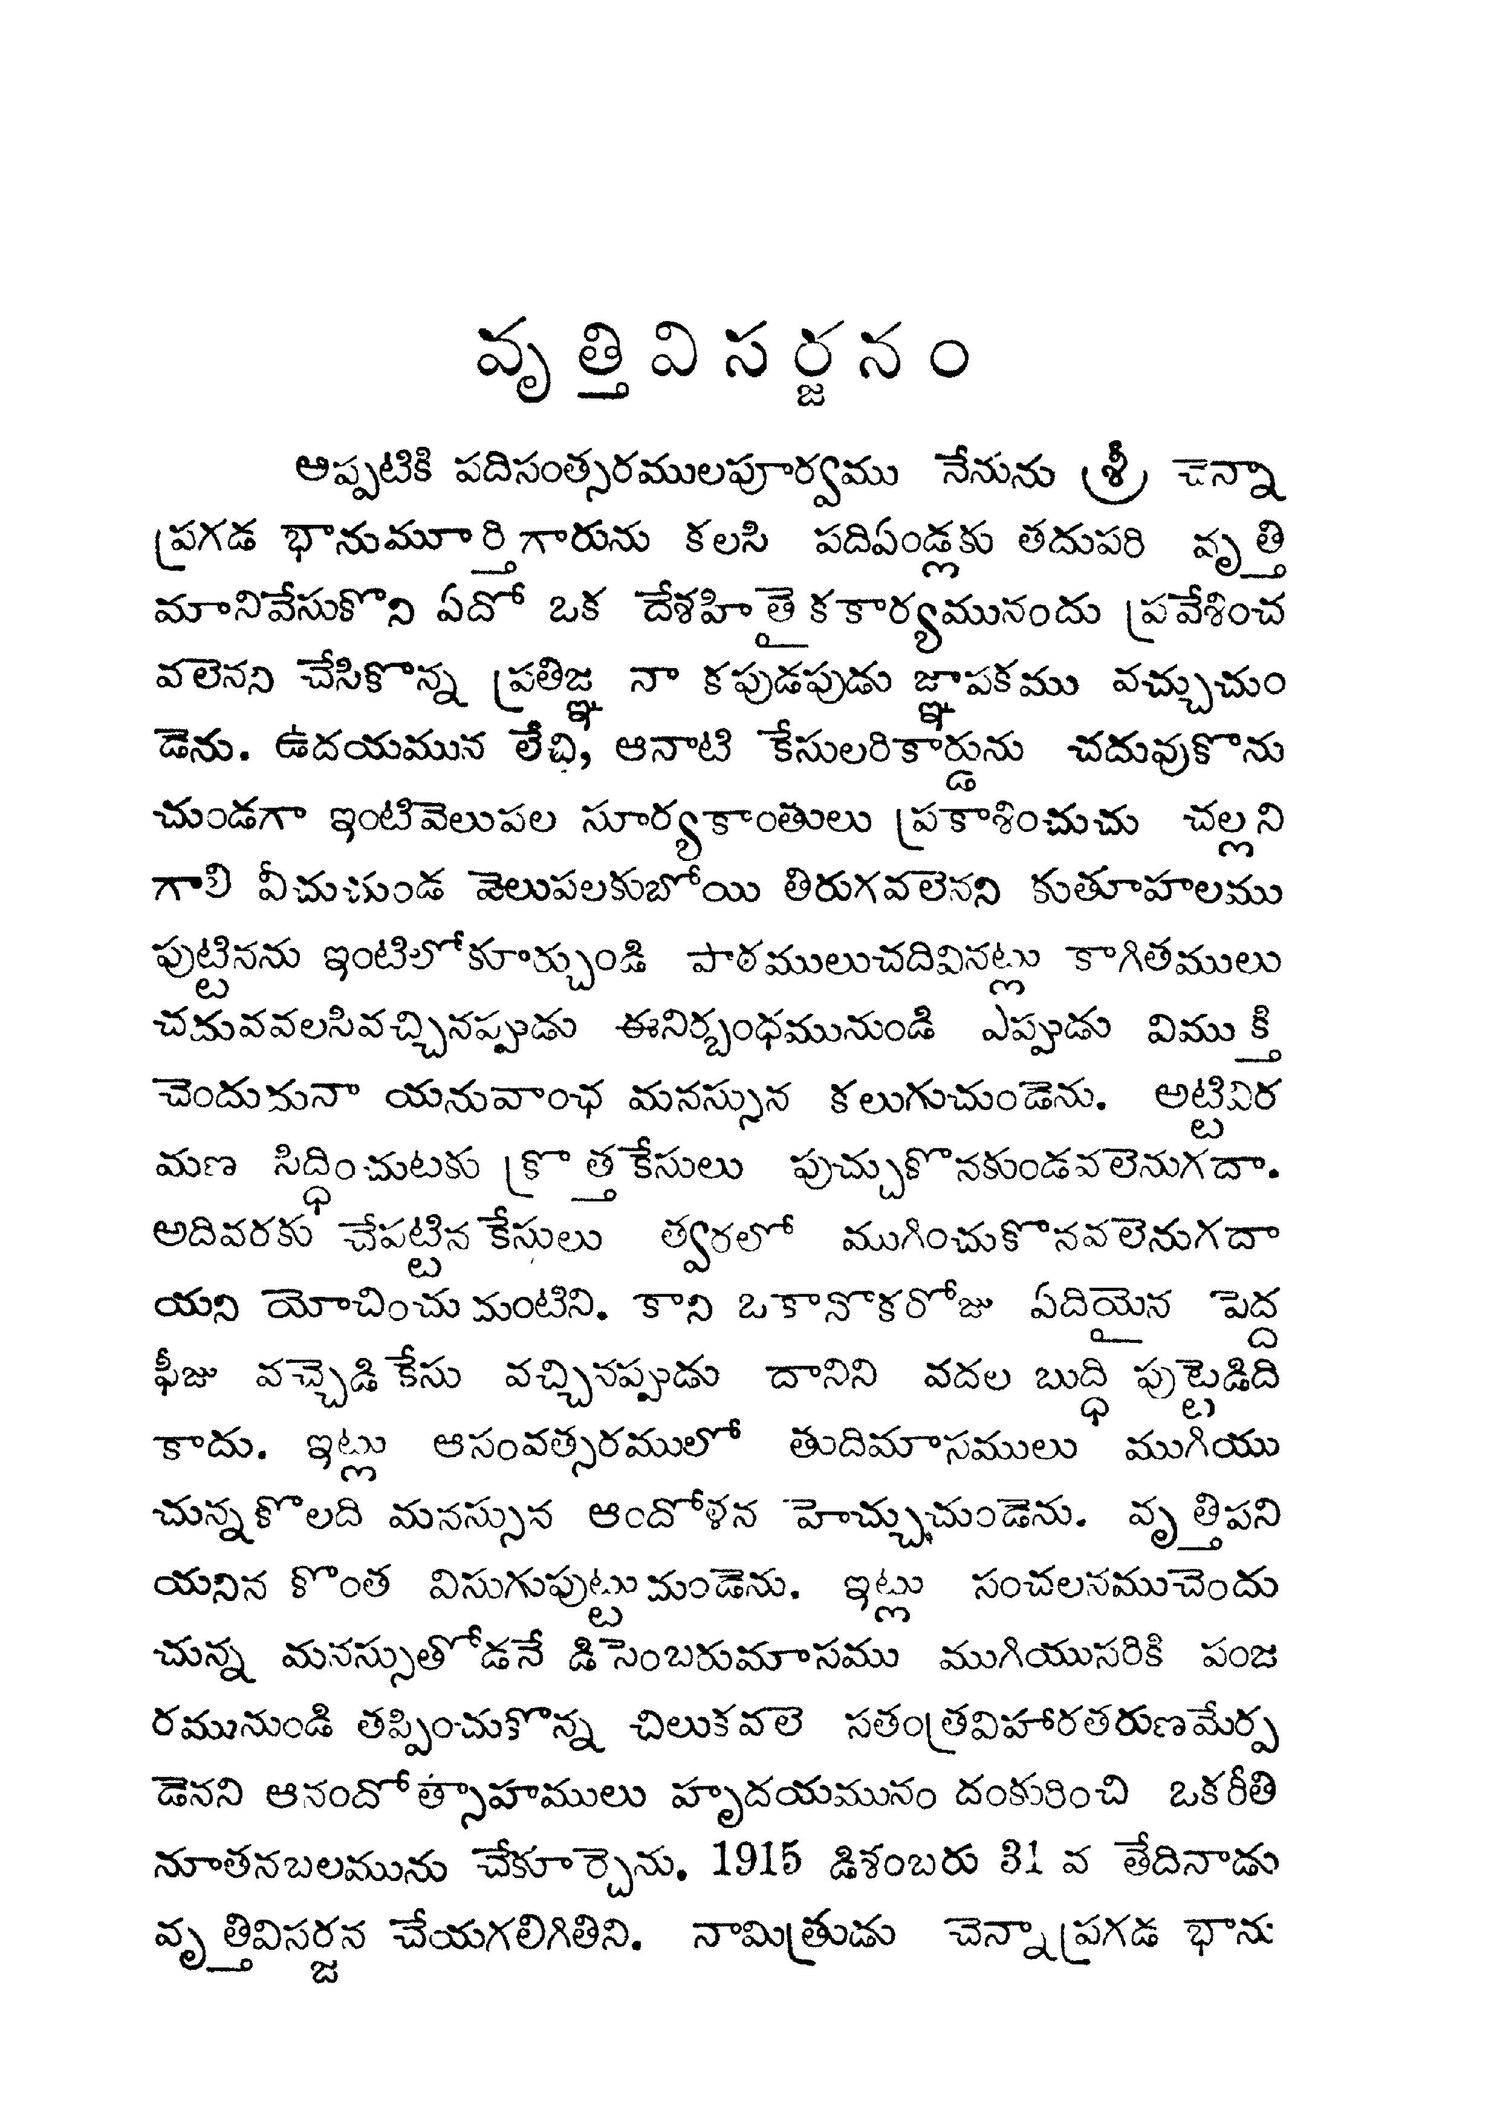అప్పటికి పదిసంవత్సరములపూర్వము నేనును శ్రీ చెన్నాప్రగడ భానుమూర్తిగారును కలసి పదిఏండ్లకు తదుపరి వృత్తిమానివేసుకొని ఏదో ఒక దేశహితైకకార్యమునందు ప్రవేశించవలెనని చేసికొన్న ప్రతిజ్ఞ నా కపుడపుడు జ్ఞాపకము వచ్చుచుండెను. ఉదయమున లేచి, ఆనాటి కేసులరికార్డును చదువుకొనుచుండగా ఇంటివెలుపల సూర్యకాంతులు ప్రకాశించుచు చల్లని గాలి వీచుచుండ వెలుపలకుబోయి తిరుగవలెనని కుతూహలము పుట్టినను ఇంటిలోకూర్చుండి పాఠములుచదివినట్లు కాగితములు చదువవలసివచ్చినప్పుడు ఈనిర్బంధమునుండి ఎప్పుడు విముక్తి చెందుదునా యనువాంఛ మనస్సున కలుగుచుండెను. అట్టివిరమణ సిద్ధించుటకు క్రొత్తకేసులు పుచ్చుకొనకుండవలెనుగదా. అదివరకు చేపట్టిన కేసులు త్వరలో ముగించుకొనవలెనుగదా యని యోచించుచుంటిని. కాని ఒకానొకరోజు ఏదియైన పెద్దఫీజు వచ్చెడికేసు వచ్చినప్పుడు దానిని వదల బుద్ది పుట్టెడిది కాదు. ఇట్లు ఆసంవత్సరములో తుదిమాసములు ముగియుచున్నకొలది మనస్సున ఆందోళన హెచ్చుచుండెను. వృత్తిపని యనిన కొంత విసుగుపుట్టుచుండెను. ఇట్లు సంచలనము చెందుచున్న మనస్సుతోడనే డిసెంబరుమాసము ముగియుసరికి పంజరమునుండి తప్పించుకొన్న చిలుకవలె నతంత్రవిహారతరుణమేర్పడెనని ఆనందోత్సాహములు హృదయమునం దంకురించి ఒకరీతి నూతనబలమును చేకూర్చెను. 1915 డిశంబరు 31 వ తేదినాడు వృత్తివిసర్జన చేయగలిగితిని. నామిత్రుడు చెన్నాప్రగడ భాను